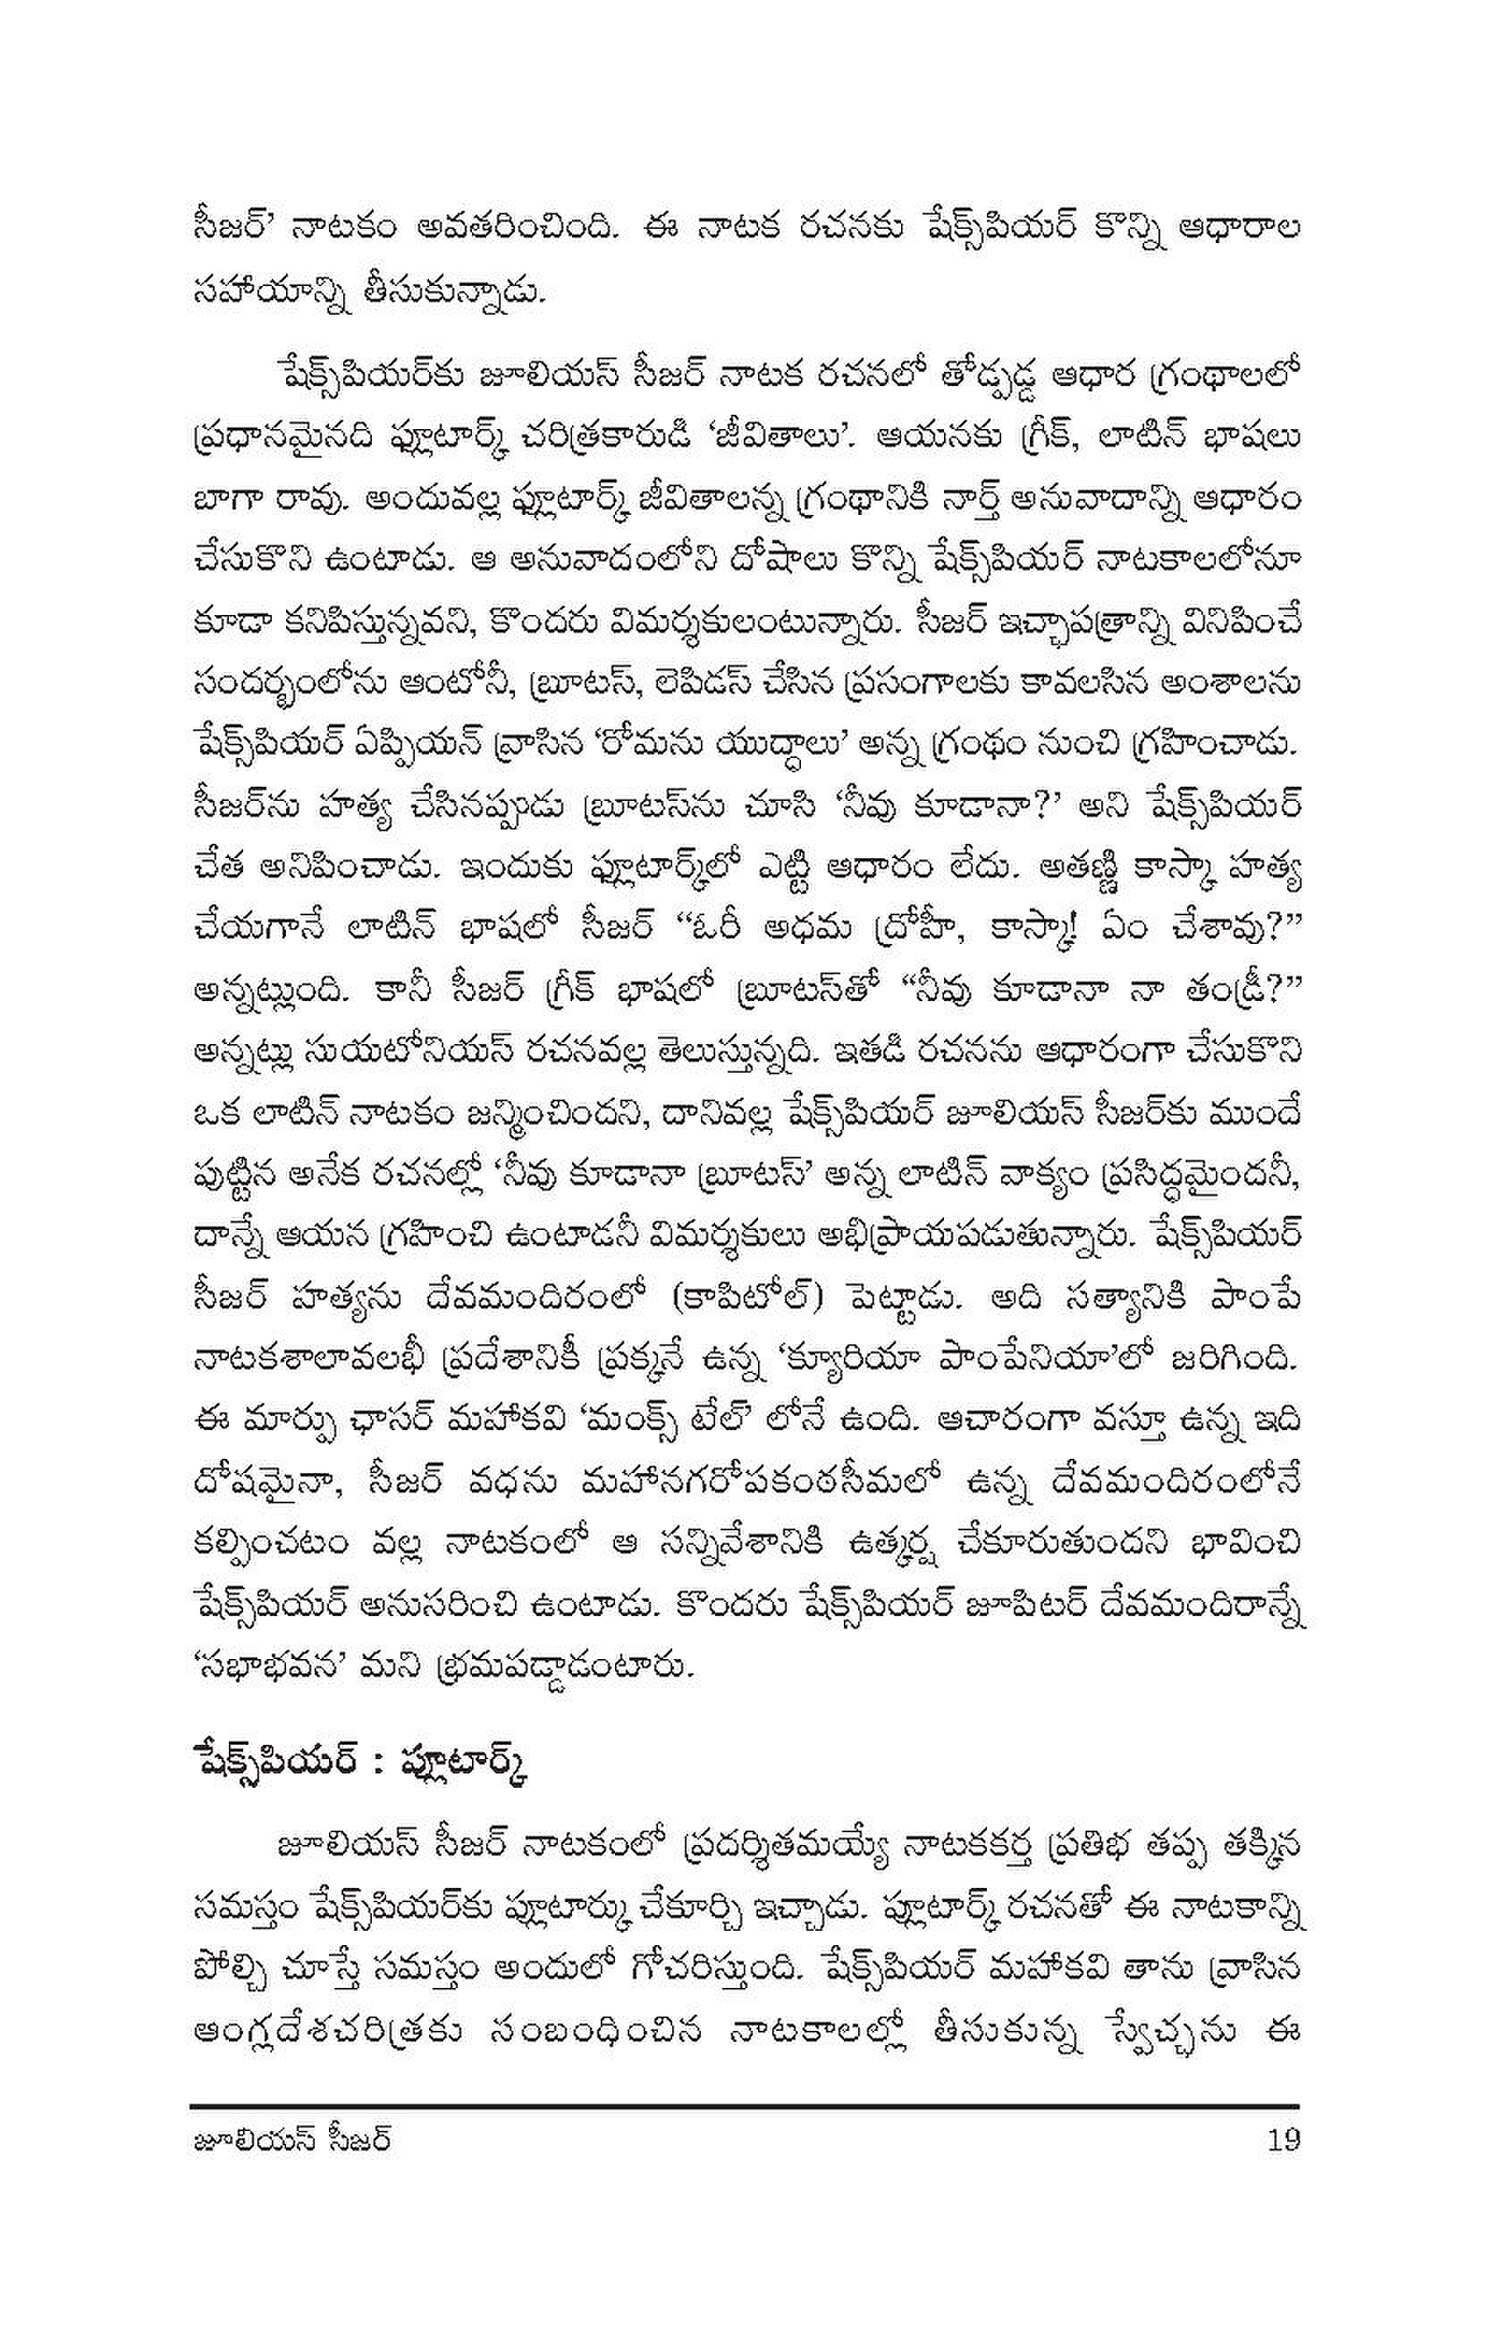సీజర్' నాటకం అవతరించింది. ఈ నాటక రచనకు షేక్స్పియర్ కొన్ని ఆధారాల సహాయాన్ని తీసుకున్నాడు.
 షేక్స్పియర్కు జూలియస్ సీజర్ నాటక రచనలో తోడ్పడ్డ ఆధార గ్రంథాలలో ప్రధానమైనది ఫ్లూటార్క్ చరిత్రకారుడి 'జీవితాలు'. ఆయనకు గ్రీక్, లాటిన్ భాషలు బాగా రావు. అందువల్ల ప్లూటార్క్ జీవితాలన్న గ్రంథానికి నార్త్ అనువాదాన్ని ఆధారం చేసుకొని ఉంటాడు. ఆ అనువాదంలోని దోషాలు కొన్ని షేక్స్పియర్ నాటకాలలోనూ కూడా కనిపిస్తున్నవని, కొందరు విమర్శకులంటున్నారు. సీజర్ ఇచ్ఛాపత్రాన్ని వినిపించే సందర్భంలోను ఆంటోనీ, బ్రూటస్, లెపిడస్ చేసిన ప్రసంగాలకు కావలసిన అంశాలను షేక్స్పియర్ ఏప్పియన్ వ్రాసిన 'రోమను యుద్ధాలు' అన్న గ్రంథం నుంచి గ్రహించాడు. సీజర్ ను హత్య చేసినప్పుడు బ్రూటస్ ను చూసి 'నీవు కూడానా?' అని షేక్స్పియర్ చేత అనిపించాడు. ఇందుకు ప్లూటార్క్ ఎట్టి ఆధారం లేదు. అతణ్ణి కాస్కా హత్య చేయగానే లాటిన్ భాషలో సీజర్ “ఓరీ అధమ ద్రోహీ, కాస్కా! ఏం చేశావు?" అన్నట్లుంది. కానీ సీజర్ గ్రీక్ భాషలో బ్రూటస్ తో "నీవు కూడానా నా తండ్రీ!?" అన్నట్లు సుయటోనియస్ రచనవల్ల తెలుస్తున్నది. ఇతడి రచనను ఆధారంగా చేసుకొని ఒక లాటిన్ నాటకం జన్మించిందని, దానివల్ల షేక్స్పియర్ జూలియస్ సీజర్ కు ముందే పుట్టిన అనేక రచనల్లో 'నీవు కూడానా బ్రూటస్' అన్న లాటిన్ వాక్యం ప్రసిద్ధమైందనీ, దాన్నే ఆయన గ్రహించి ఉంటాడనీ విమర్శకులు అభిప్రాయపడుతున్నారు. షేక్స్పియర్ సీజర్ హత్యను దేవమందిరంలో (కాపిటోల్) పెట్టాడు. అది సత్యానికి పాంపే నాటకశాలావలభీ ప్రదేశానికీ ప్రక్కనే ఉన్న 'క్యూరియా పాంపేనియా'లో జరిగింది. ఈ మార్పు ఛాసర్ మహాకవి 'మంక్స్ టేల్' లోనే ఉంది. ఆచారంగా వస్తూ ఉన్న ఇది దోషమైనా, సీజర్ వధను మహానగరోపకంఠసీమలో ఉన్న దేవమందిరంలోనే కల్పించటం వల్ల నాటకంలో ఆ సన్నివేశానికి ఉత్కర్ష చేకూరుతుందని భావించి
షేక్స్పియర్ అనుసరించి ఉంటాడు. కొందరు షేక్స్పియర్ జూపిటర్ దేవమందిరాన్నే 'సభాభవన' మని భ్రమపడ్డాడంటారు.

షేక్స్పియర్ : ప్లూటార్క్
 జూలియస్ సీజర్ నాటకంలో ప్రదర్శితమయ్యే నాటకకర్త ప్రతిభ తప్ప తక్కిన సమస్తం షేక్స్పియర్ కు ప్లూటార్కు చేకూర్చి ఇచ్చాడు. ప్లూటార్క్ రచనతో ఈ నాటకాన్ని పోల్చి చూస్తే సమస్తం అందులో గోచరిస్తుంది. షేక్స్పియర్ మహాకవి తాను వ్రాసిన ఆంగ్లదేశచరిత్రకు సంబంధించిన నాటకాలల్లో తీసుకున్న స్వేచ్ఛను ఈ